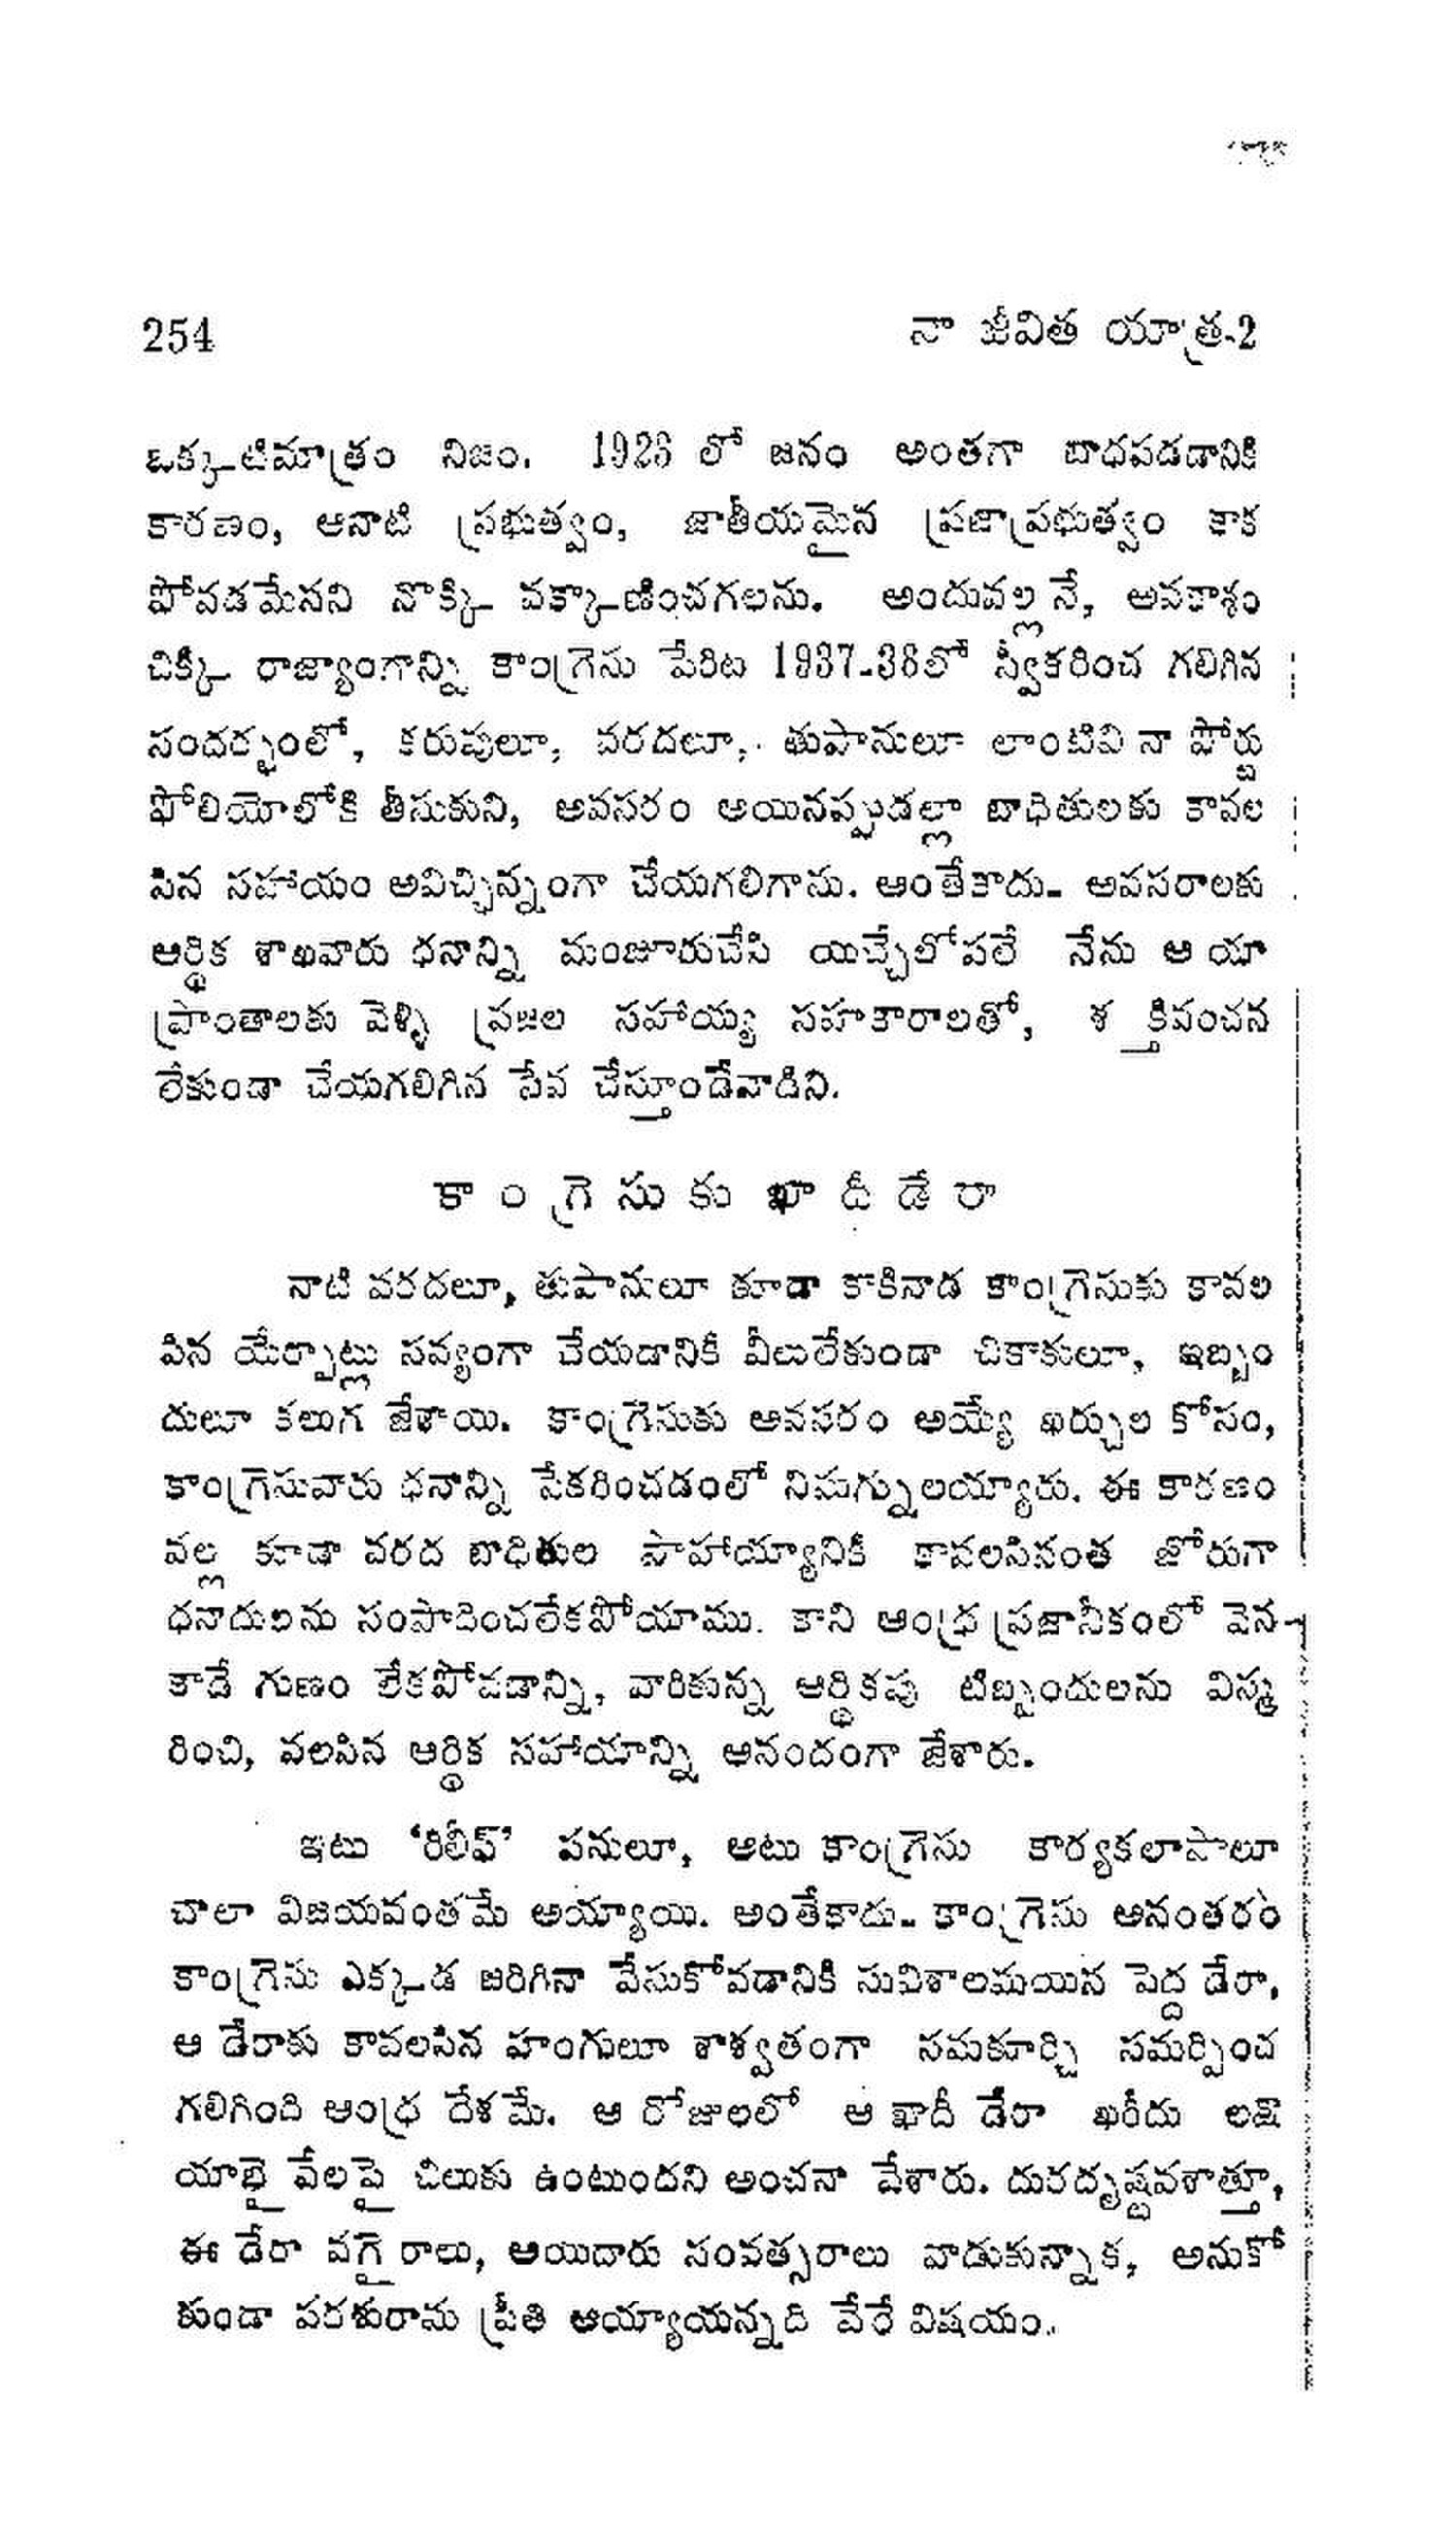ఒక్కటిమాత్రం నిజం. 1923 లో జనం అంతగా బాధపడడానికి కారణం, ఆనాటి ప్రభుత్వం, జాతీయమైన ప్రజాప్రభుత్వం కాక పోవడమేనని నొక్కి వక్కాణించగలను, అందువల్లనే, అవకాశం చిక్కి రాజ్యాంగాన్ని కాంగ్రెసు పేరిట 1937-38 లో స్వీకరించ గలిగిన సందర్భంలో, కరువులూ, వరదలూ, తుపానులూ లాంటివి నా పోర్టుపోలియోలోకి తీసుకుని, అవసరం అయినప్పుడల్లా బాధితులకు కావలసిన సహాయం అవిచ్చిన్నంగా చేయగలిగాను. అంతేకాదు-అవసరాలకు ఆర్థిక శాఖవారు ధానాన్ని మంజూరుచేసి యిచ్చేలోపలే నేను ఆయాప్రాంతాలకు వెళ్ళి ప్రజల సహాయ్య సహకారాలతో, శక్తివంచన లేకుండా చేయగలిగిన సేవ చేస్తూండేవాడిని.

నాటి వరదలూ, తుపానులూ కూడా కాకినాడ కాంగ్రెసుకు కావలసిన యేర్పాట్లు సవ్యంగా చేయడానికి వీలులేకుండా చికాకులూ, ఇబ్బందులూ కలుగ జేశాయి. కాంగ్రెసుకు అవసరం అయ్యే ఖర్చుల కోసం, కాంగ్రెసువారు ధనాన్ని సేకరించడంలో నిమగ్నులయ్యారు. ఈ కారణం వల్ల కూడా వరద బాధితుల సాహాయ్యానికి కావలసినంత జోరుగా ధనాదులను సంపాదించలేక పోయాము. కాని ఆంధ్ర ప్రజానీకంలో వెనకాడే గుణం లేకపోవడాన్ని, వారికున్న ఆర్థికపు టిబ్బందులను విస్మరించి, వలసిన ఆర్థిక సహాయాన్ని ఆనందంగా జేశారు.

ఇటు "రిలీప్" పనులూ, అటు కాంగ్రెసు కార్యకలాపాలూ చాలా విజయవంతమే అయ్యాయి. అంతేకాదు-కాంగ్రెసు అనంతరం కాంగ్రెసు ఎక్కడ జరిగినా వేసుకోవడానికి సువిశాలమయిన పెద్ద డేరా, ఆ డేరాకు కావలసిన హంగులూ శాశ్వతంగా సమకూర్చి సమర్పించ గలిగింది ఆంధ్ర దేశమే. ఆరోజులలో అ ఖాదీడేరా ఖరీదు లక్షా యాభై వేలపై చిలుకు ఉంటుందని అంచనా వేశారు. దురదృష్టవశాత్తూ, ఈ డేరా వగైరాలు, అయిదారు సంవత్సరాలు వాడుకున్నాక, అనుకోకుండా పరశురామ ప్రీతి అయ్యాయన్నది వేరే విషయం.